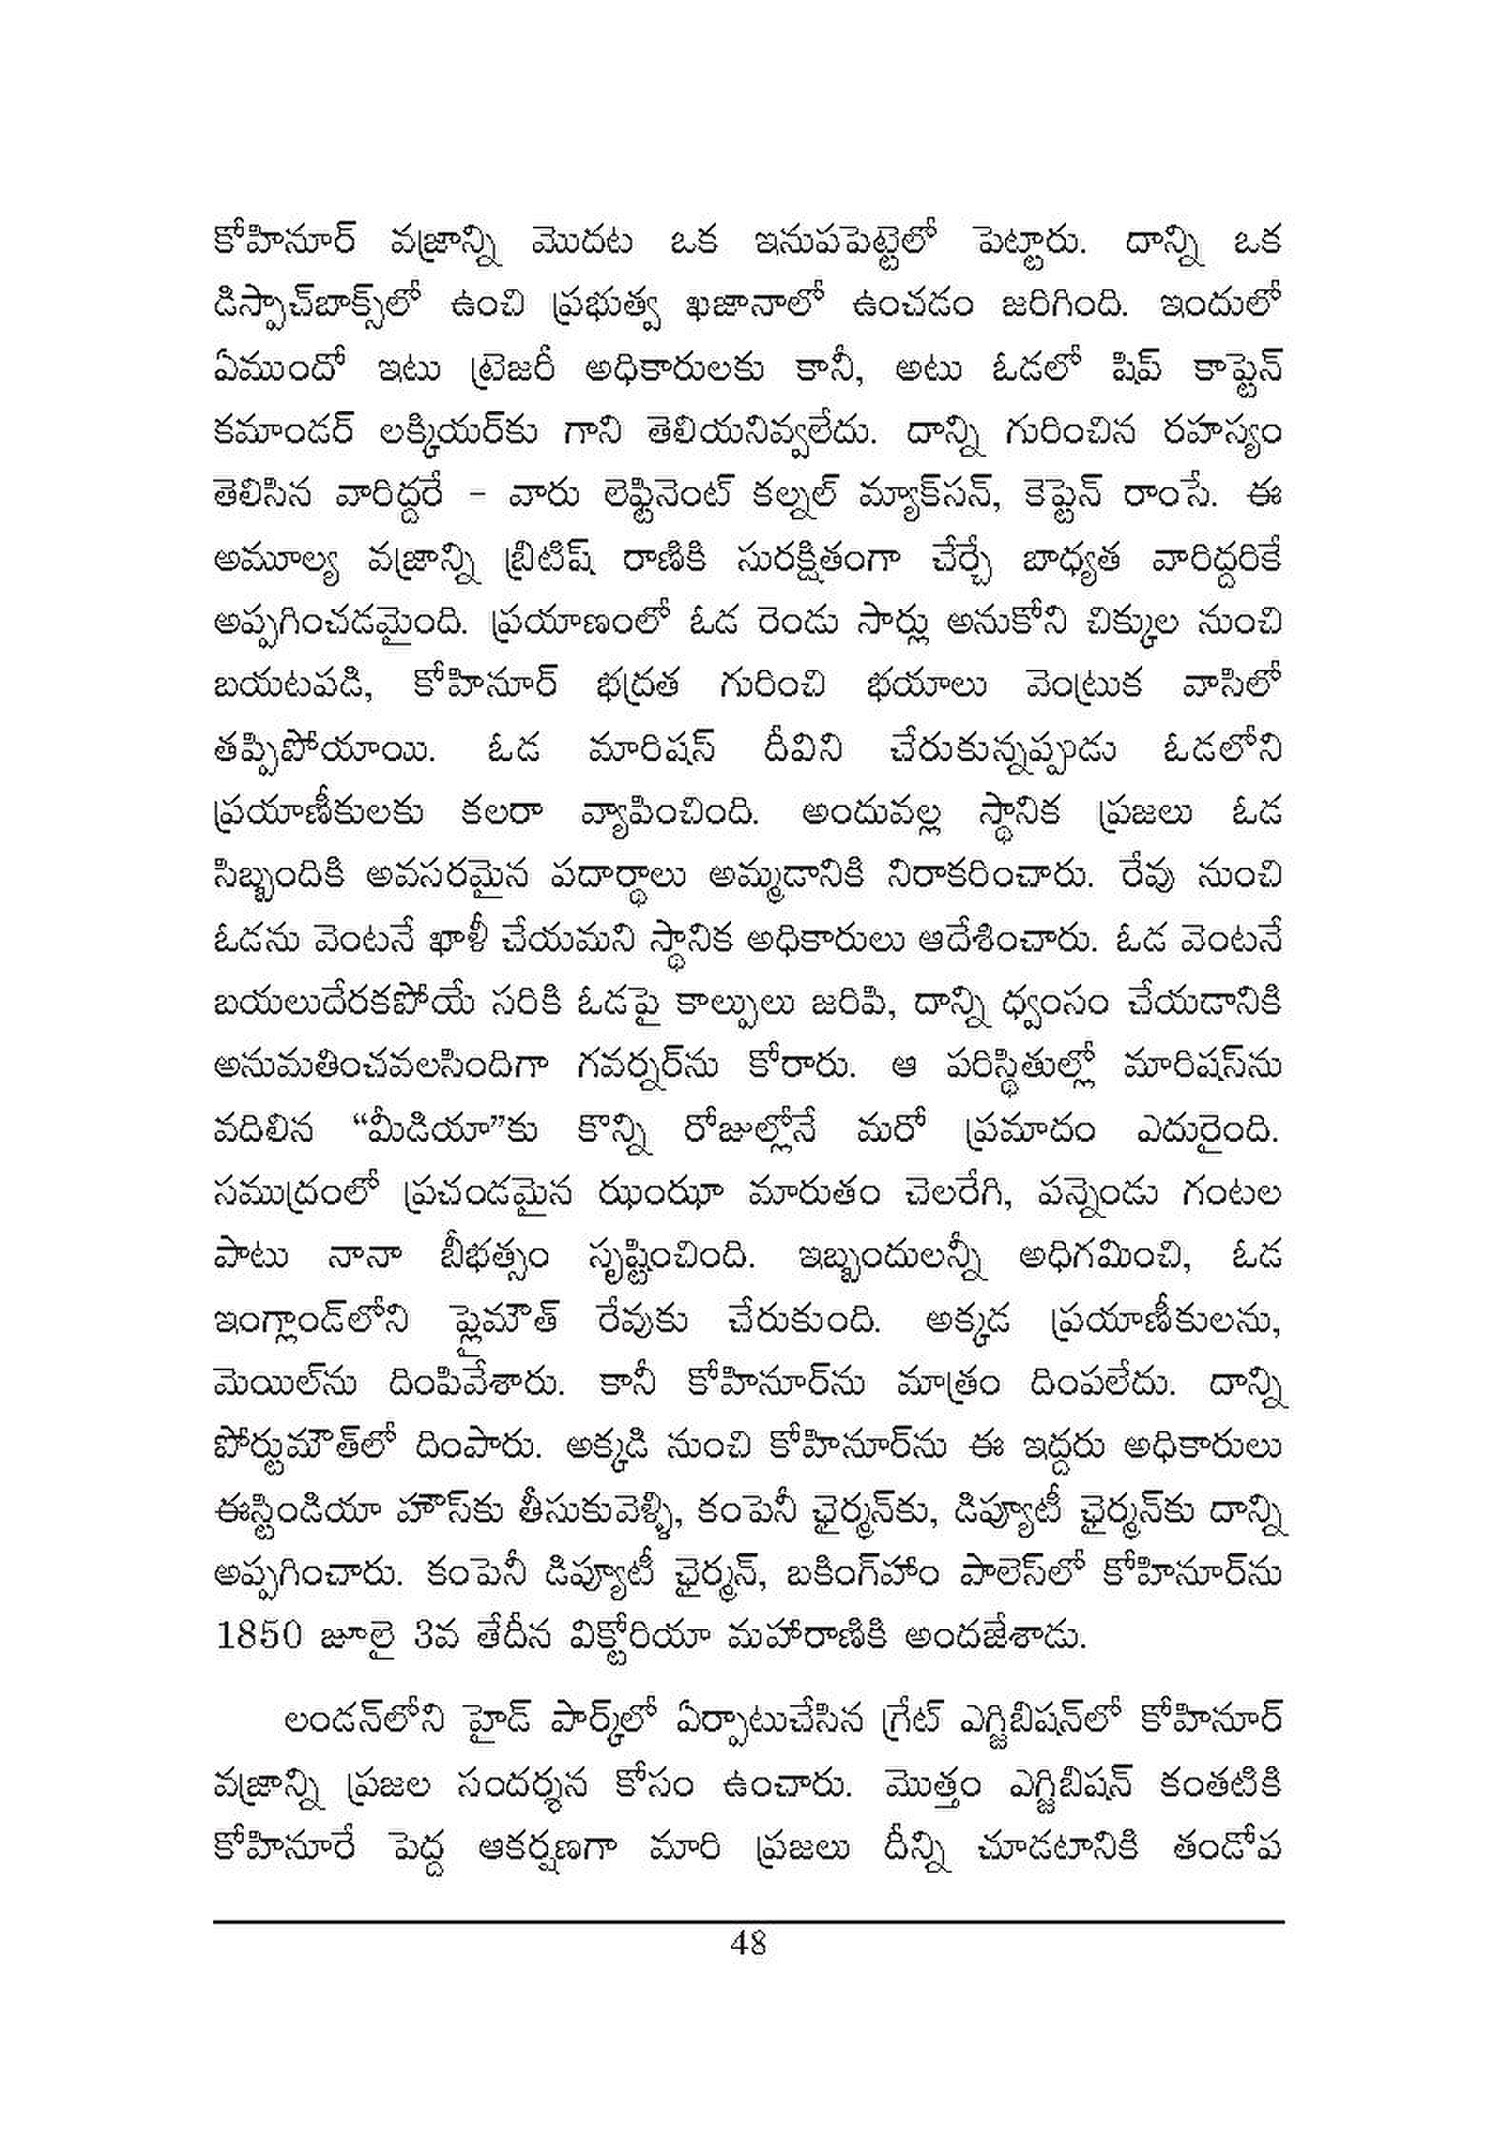కోహినూర్ వజ్రాన్ని మొదట ఒక ఇనుపపెట్టెలో పెట్టారు. దాన్ని ఒక డిస్పాచ్బాక్స్లో ఉంచి ప్రభుత్వ ఖజానాలో ఉంచడం జరిగింది. ఇందులో ఏముందో ఇటు ట్రెజరీ అధికారులకు కానీ, అటు ఓడలో షిప్ కాప్టెన్ కమాండర్ లక్కియర్కు గాని తెలియనివ్వలేదు. దాన్ని గురించిన రహస్యం తెలిసిన వారిద్దరే - వారు లెఫ్టినెంట్ కల్నల్ మ్యాక్సన్, కెప్టెన్ రాంసే. ఈ అమూల్య వజ్రాన్ని బ్రిటిష్ రాణికి సురక్షితంగా చేర్చే బాధ్యత వారిద్దరికే అప్పగించడమైంది. ప్రయాణంలో ఓడ రెండు సార్లు అనుకోని చిక్కుల నుంచి బయటపడి, కోహినూర్ భద్రత గురించి భయాలు వెంట్రుక వాసిలో తప్పిపోయాయి. ఓడ మారిషస్ దీవిని చేరుకున్నప్పడు ఓడలోని ప్రయాణీకులకు కలరా వ్యాపించింది. అందువల్ల స్థానిక ప్రజలు ఓడ సిబ్బందికి అవసరమైన పదార్ధాలు అమ్మడానికి నిరాకరించారు. రేవు నుంచి ఓడను వెంటనే ఖాళీ చేయమని స్థానిక అధికారులు ఆదేశించారు. ఓడ వెంటనే బయలుదేరకపోయే సరికి ఓడపై కాల్పులు జరిపి, దాన్ని ధ్వంసం చేయడానికి అనుమతించవలసిందిగా గవర్నర్ను కోరారు. ఆ పరిస్థితుల్లో మారిషస్ ను వదిలిన "మీడియా"కు కొన్ని రోజుల్లోనే మరో ప్రమాదం ఎదురైంది. సముద్రంలో ప్రచండమైన ఝంఝామారుతం చెలరేగి, పన్నెండు గంటల పాటు నానా బీభత్సం సృష్టించింది. ఇబ్బందులన్నీ అధిగమించి, ఓడ ఇంగ్లాండ్లోని ఫ్లెమౌత్ రేవుకు చేరుకుంది. అక్కడ ప్రయాణీకులను, మెయిల్ను దింపివేశారు. కానీ కోహినూర్ను మాత్రం దింపలేదు. దాన్ని పోర్టుమౌత్లో దింపారు. అక్కడి నుంచి కోహినూర్ను ఈ ఇద్దరు అధికారులు ఈస్టిండియా హౌస్కు తీసుకువెళ్ళి, కంపెనీ చైర్మన్కు, డిప్యూటీ ఛైర్మన్కు దాన్ని అప్పగించారు. కంపెనీ డిప్యూటీ ఛైర్మన్, బకింగ్హాం పాలెస్లో కోహినూర్ను 1850 జూలై 3వ తేదీన విక్టోరియా మహారాణికి అందజేశాడు.

లండన్‌లోని హైడ్ పార్క్లో ఏర్పాటుచేసిన గ్రేట్ ఎగ్జిబిషన్లో కోహినూర్ వజ్రాన్ని ప్రజల సందర్శన కోసం ఉంచారు. మొత్తం ఎగ్జిబిషన్ కంతటికి కోహినూరే పెద్ద ఆకర్షణగా మారి ప్రజలు దీన్ని చూడటానికి తండోప